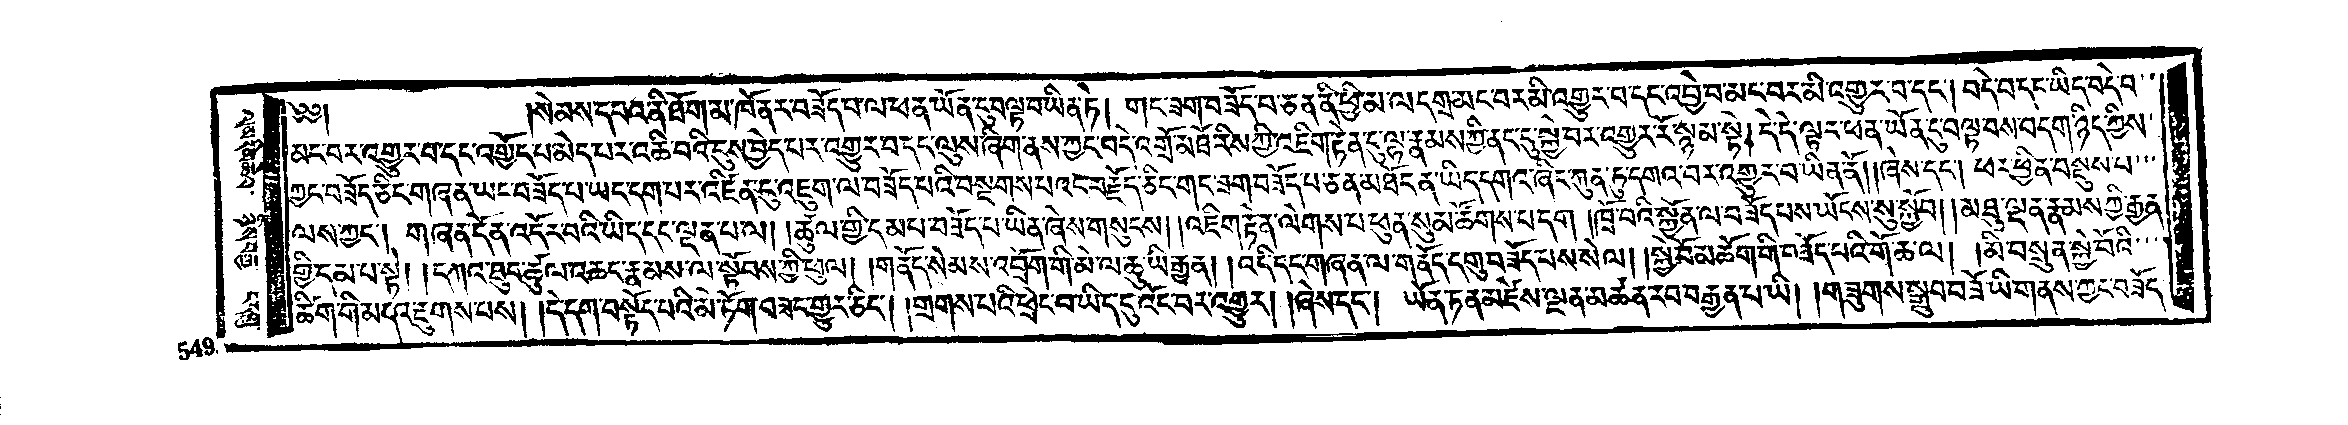༄༅། །སེམས་དཔའ་ནི་ཐོག་མ་ཁོ་ནར་བཟོད་བ་ལ་ཕན་ཡོན་དུ་བལྟ་བ་ཡིན་ཏེ། གང་ཟག་བཟོད་པ་ཅན་ནི་ཕྱི་མ་ལ་དགྲ་མང་བར་མི་འགྱུར་བ་དང་འབྱེ་བ་མང་བར་མི་འགྱུར་བ་དང་། བདེ་བ་དང་ཡིད་བདེ་བ་
མང་བར་འགྱུར་བ་དང་འགྱོད་པ་མེད་པར་འཆི་བའི་དུས་བྱེད་པར་འགྱུར་བ་དང་ལུས་ཞིག་ནས་ཀྱང་བདེ་འགྲོ་མཐོ་རིས་ཀྱི་འཇིག་རྟེན་དུ་ལྷ་རྣམས་ཀྱི་ནང་དུ་སྐྱེ་བར་འགྱུར་རོ་སྙམ་སྟེ། དེ་དེ་ལྟར་ཕན་ཡོན་དུ་བལྟ་བས་བདག་ཉིད་ཀྱིས་
ཀྱང་བཟོད་ཅིང་གཞན་ཡང་བཟོད་པ་ཡང་དག་པར་འཛིན་དུ་འཇུག་ལ་བཟོད་པའི་བསྔགས་པའང་བརྗོད་ཅིང་གང་ཟག་བཟོད་པ་ཅན་མཐོང་ན་ཡིད་དགའ་ཞིང་ཀུན་ཏུ་དགའ་བར་འགྱུར་བ་ཡིན་ནོ། །ཞེས་དང་། ཕར་ཕྱིན་བསྡུས་པ་
ལས་ཀྱང་། གཞན་དོན་འདོར་བའི་ཡིད་དང་ལྡན་པ་ལ། །ཚུལ་གྱི་དམ་པ་བཟོད་པ་ཡིན་ཞེས་གསུངས། །འཇིག་རྟེན་ལེགས་པ་ཕུན་སུམ་ཚོགས་པ་དག །ཁྲོ་བའི་སྐྱོན་ལ་བཟོད་པས་ཡོངས་སུ་སྐྱོབ། །མཐུ་ལྡན་རྣམས་ཀྱི་རྒྱན་
གྱི་དམ་པ་སྟེ། །དཀའ་ཐུབ་ཚུལ་འཆང་རྣམས་ལ་སྟོབས་ཀྱི་ཕུལ། །གནོད་སེམས་འབྲོག་གི་མེ་ལ་ཆུ་ཡི་རྒྱུན། །འདི་དང་གཞན་ལ་གནོད་དགུ་བཟོད་པས་སེལ། །སྐྱེ་བོ་མཆོག་གི་བཟོད་པའི་གོ་ཆ་ལ། །མི་བསྲུན་སྐྱེ་བོའི་
ཚིག་གི་མདའ་རྡུགས་པས། །དེ་དག་བསྟོད་པའི་མེ་ཏོག་བཟང་གྱུར་ཅིང་། །གྲགས་པའི་ཕྲེང་བ་ཡིད་དུ་འོང་བར་འགྱུར། །ཞེས་དང་། ཡོན་ཏན་མཛེས་ལྡན་མཚན་རབ་བརྒྱན་པ་ཡི། །གཟུགས་སྒྲུབ་བཟོ་ཡི་གནས་ཀྱང་བཟོད་